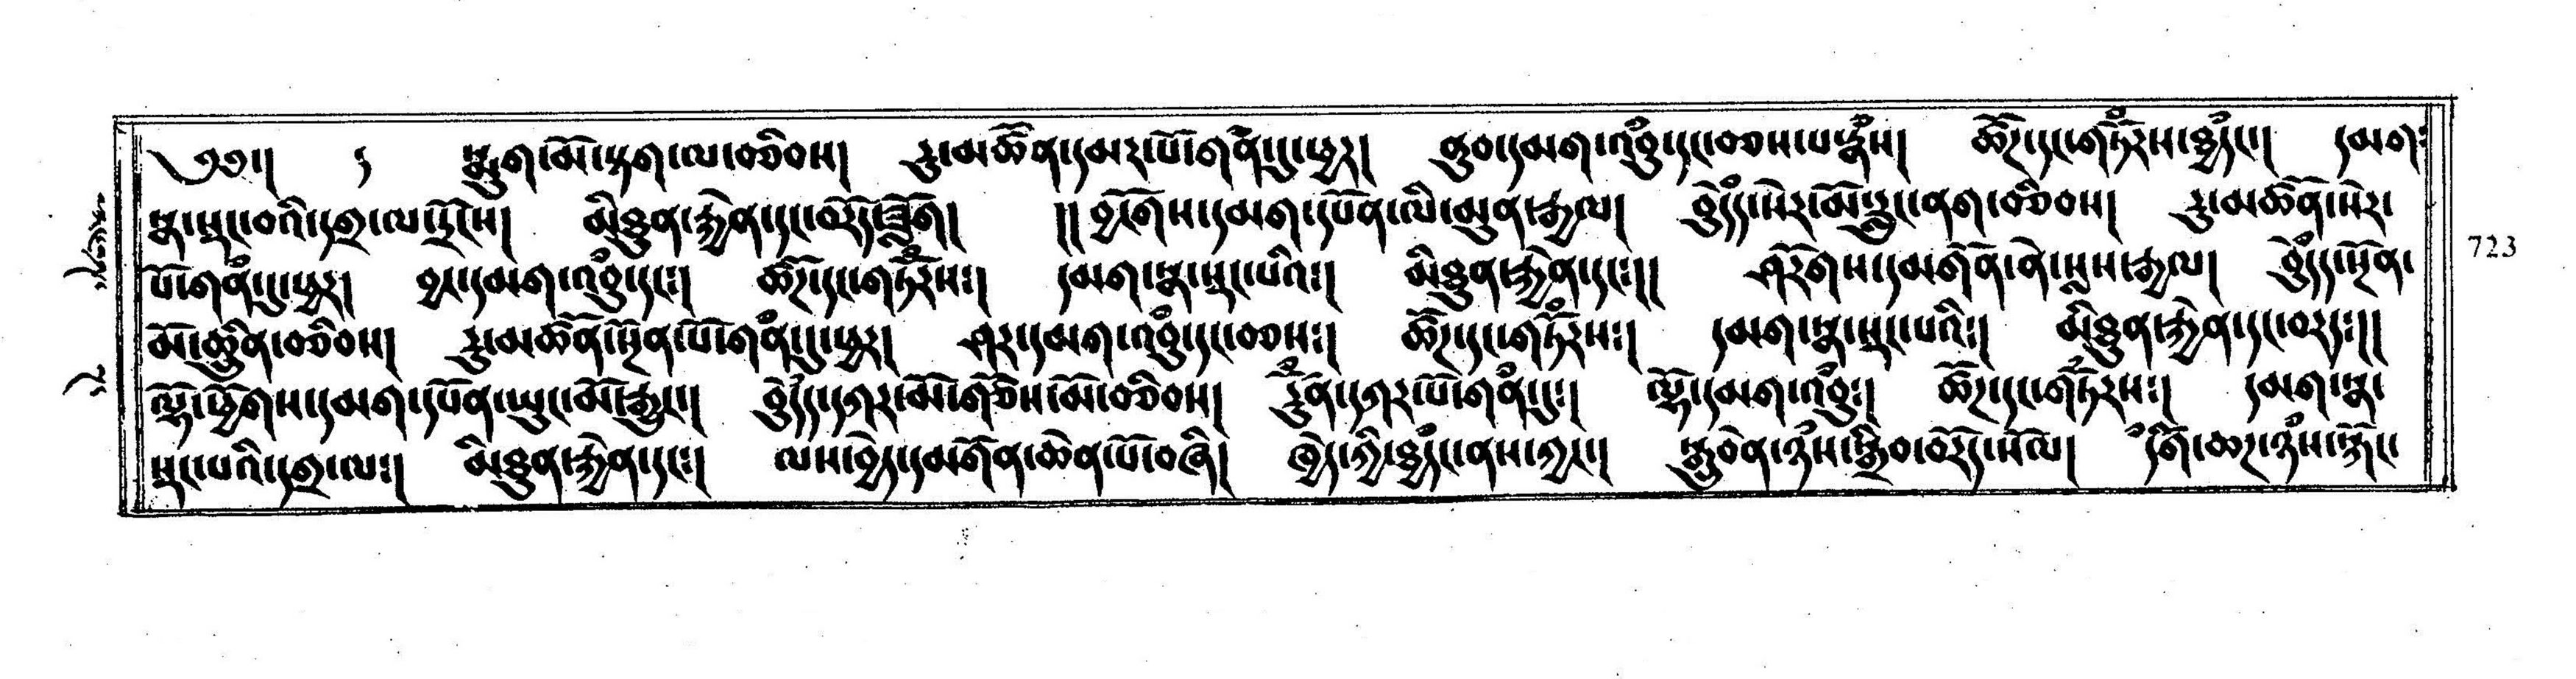སྨུག་མོ་སྟག་ལ་བཅིབས། རུ་མཚོན་དམར་པོ་གནམ་དུ་ཕྱར། ནུབ་དམག་འབུམ་དང་བཅས་པ་རྣམས། ཚོགས་དང་གཏོར་མས་ཐུགས་དམ་བསྐང་། དམག་
སྣ་སྡང་བའི་དགྲ་ལ་དྲོངས། མི་མཐུན་རྐྱེན་དང་བར་ཆོད་ཟློག །།བྱང་ཕྱོགས་དམག་དཔོན་ལི་མུན་རྒྱལ། བུད་མེད་སེར་མོ་རླུང་ནག་བཅིབས། རུ་མཚོན་སེར་
པོ་གནམ་དུ་ཕྱར། བྱང་དམག་འབུམ་དང་༴། ཚོགས་དང་གཏོར་མས༴། དམག་སྣ་སྡང་པའི༴། མི་མཐུན་རྐྱེན་དང་༴།། ཤར་ཕྱོགས་དམག་དཔོན་ནེ་སླས་རྒྱལ། བུད་མེད་སྔོན་
མོ་ཆུ་སྲིན་བཅིབས། རུ་མཚོན་སྔོན་པོ་གནམ་དུ་ཕྱར། ཤར་དམག་འབུམ་དང་བཅས༴། ཚོགས་དང་གཏོར་མས༴། དམག་སྣ་སྡང་པའི༴། མི་མཐུན་རྐྱེན་དང་བར་ཆད༴།། 
ལྷོ་ཕྱོགས་དམག་དཔོན་ཡུང་མོ་རྒྱུང་། བུད་མེད་དཀར་མོ་གཙོས་མོ་བཅིབས། རུ་མཚོན་དཀར་པོ་གནམ་དུ༴། ལྷོ་དམག་འབུམ༴། ཚོགས་དང་གཏོར་མས༴། དམག་སྣ་
སྡང་པའི་དགྲ་ལ༴། མི་མཐུན་རྐྱེན་དང་༴། ལས་བྱེད་དམག་དཔོན་ཆེན་པོ་བཞི། ཁྱེད་ཀྱི་ཐུགས་དམ་བསྐང་ནས་ཀྱང་། སྒྲུབ་གཤེན་ཉམས་སྒྲིབ་བར་ཆོད་སོལ། དམ་ཚིག་ཆགས་ཉམས་སྐོང་